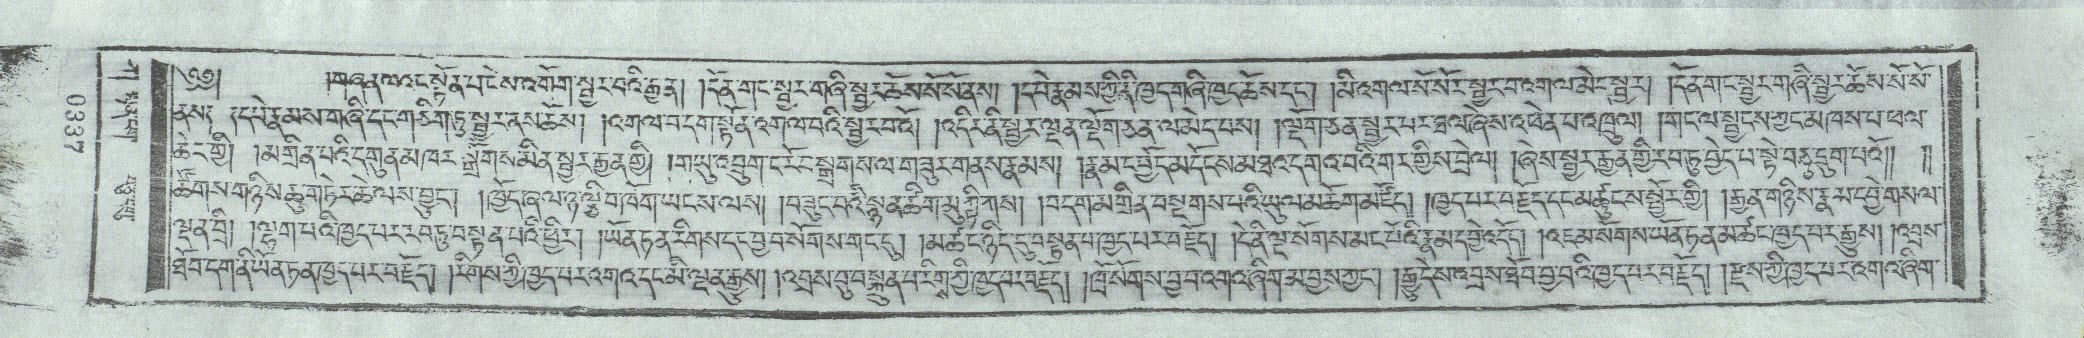༄༅། །གཤན་ལའང་སྟོན་པ་ངེས་འགོག་སྦྱར་བའི་རྒྱན། །དོན་གང་སྦྱར་གཞི་སྦྱར་ཆོས་སོ་སོ་ནས། །དཔེ་རྣམས་ཀྱི་ནི་ཁྱད་གཞི་ཁྱད་ཆོས་དང་། །མི་འགལ་སོ་སོར་སྦྱར་བ་འགལ་མེད་སྦྱར། །དོན་གང་སྦྱར་གཞི་སྦྱར་ཆོས་སོ་སོ་
ནས། །དཔེ་པ་རྣམས་གཞི་དང་གཅིག་ཏུ་སྤྱར་ནས་ཆོས། །འགལ་བ་དག་སྟོན་འགལ་བའི་སྦྱར་བའོ། །འདིར་ནི་སྦྱར་ལྡན་ལྡོག་ཅན་ལ་མེད་པས། །ལྡོག་ཅན་སྦྱར་པར་ཐལ་ཞེས་འཕེན་པ་འཁྲུལ། །གང་ལ་སྦྱངས་ཀྱང་མཁས་པ་ཕལ་
ཆེར་གྱི། །མགྲིན་པའི་དགུན་མཁར་སྒྲོགས་མིན་སྦྱར་རྒྱན་གྱི། །གཡུ་འབྲུག་ང་རོ་བསྒྲགས་ལ་གཟུར་གནས་རྣམས། །རྣམ་དཔྱོད་མདོངས་མཐའ་དགའ་བའི་གར་གྱིས་བྲེལ། །ཞེས་སྦྱར་རྒྱན་གྱི་རབ་ཏུ་བྱེད་པ་སྟེ་བཅུ་དྲུག་པའོ།། །།
ཚོགས་གཉིས་ཆུ་གཏེར་ཆེ་ལས་བྱུང་། །ཁྱོད་ཞལ་ཉ་ལྕིབ་ཁོག་ཡངས་ལས། །བཟུང་པའི་སྙན་ཚིག་མུཀྟི་ཀས། །བདག་མགྲིན་བསྔགས་པའི་ཡུལ་མཆོག་མཛོད། །ཁྱད་པར་བརྗད་དང་མཚུངས་སྦྱོར་གྱི། །རྒྱན་གཉིས་རྣམ་དབྱེ?་གསལ་
ལྡན་བྲི། །ལྷག་པའི་ཁྱད་པར་རབ་ཏུ་བསྟན་པའི་ཕྱིར། །ཡོན་ཏན་རིགས་དང་བྱ་བསོགས་གང་དུ། །མཚང་ཉིད་དུ་བསྟན་པ་ཁྱད་པར་བརྗོད། །དེ་ནི་ལྔ་སོགས་མང་པོའི་རྣམ་དབྱེ་འདོད། །འཇམ་སོགས་ཡོན་ཏན་མཚང་ཁྱད་པར་རྒྱུས། །འབྲས་
ཐོབ་དག་ནི་ཡོན་ཏན་ཁྱད་པར་བརྗོད། །རིགས་ཀྱི་ཁྱད་པར་འགའ་དང་མི་ལྡན་རྒྱུས། །འབྲས་བུ་བསྐྲུན་པ་རིགས་ཀྱི་ཁྱད་པར་བརྗོད། །ཁྲོ་སོགས་བྱ་བ་འགའ་ཞིག་མ་བྱས་ཀྱང་། །རྒྱུ་དེས་འབྲས་ཐོབ་བྱ་བའི་ཁྱད་པར་བརྗོད། །རྫས་ཀྱི་ཁྱད་པར་འགའ་ཞིག་